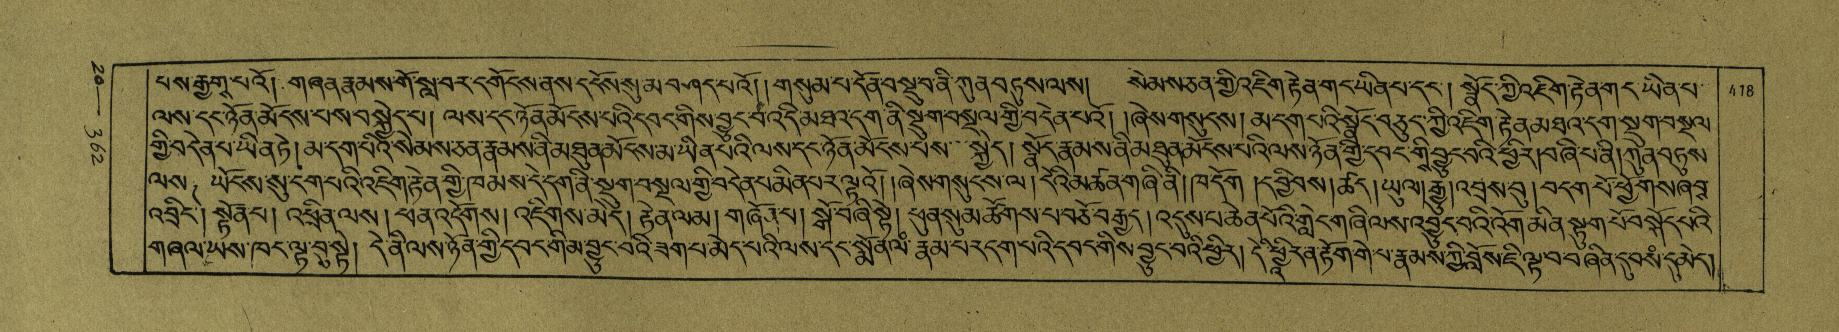པས་རྒྱགས་པའོ། གཞན་རྣམས་གོ་སླ་བར་དགོངས་ནས་དངོས་སུ་མ་བཤད་པའོ། །གསུམ་པ་དོན་བསྡུ་བ་ནི་ཀུན་བཏུས་ལས། སེམས་ཅན་གྱི་འཇིག་རྟེན་གང་ཡིན་པ་དང་། སྣོད་ཀྱི་འཇིག་རྟེན་གང་ཡིན་པ་
ལས་དང་ཉོན་མོངས་པས་བསྐྱེད་པ། ལས་དང་ཉོན་མོངས་པའི་དབང་གིས་བྱུང་བ་འདི་མཐའ་དག་ནི་སྡུག་བསྔལ་གྱི་བདེན་པའོ། །ཞེས་གསུངས། མ་དག་པའི་སྣོད་བཅུད་ཀྱི་འཇིག་རྟེན་མཐའ་དག་སྡུག་བསྔལ་
གྱི་བདེན་པ་ཡིན་ཏེ། མ་དག་པའི་སེམས་ཅན་རྣམས་ནི་མཐུན་མོངས་མ་ཡིན་པའི་ལས་དང་ཉོན་མོངས་པས་སྐྱེད། སྣོད་རྣམས་ནི་མཐུན་མོངས་པའི་ལས་ཉོན་གྱི་དབང་གིས་བྱུང་བའི་ཕྱིར། བཞི་པ་ནི། ཀུན་བཏུས་
ལས༑ ཡོངས་སུ་ངག་པའི་འཇིག་རྟེན་གྱི་ཁམས་དེ་དག་ནི་སྡུག་བསྔལ་གྱི་བདེན་པ་མིན་པར་ལྟའོ། །ཞེས་གསུངས་ལ། དེའི་མཚན་གཞི་ནི། ཁ་དོག །དབྱིབས། ཚད། ཡུལ། རྒྱུ། འབྲས་བུ། བདག་པོ་ཕྱོགས་ཞབས་
འབྲིང་། སྟོན་པ། འཕྲིན་ལས། ཕན་འདོགས། འཇིགས་མེད། རྟེན་ལམ། གཞོན་པ། སྒོ་བཞི་སྟེ། ཕུན་སུམ་ཚོགས་པ་བཅོ་བརྒྱད། འདུས་པ་ཆེན་པོའི་གླེང་གཞི་ལས་འབྱུང་བའི་འོག་མིན་སྟུག་པོ་བསྐོད་པའི་
གཞལ་ཡས་ཁང་ལྟ་བུ་སྟེ། དེ་ནི་ལས་ཉོན་གྱི་དབང་གི་མ་བྱུང་བའི་ཟག་པ་མེད་པའི་ལས་དང་སྨོན་ལཾ་རྣམ་པར་དག་པའི་དབང་གིས་བྱུང་བའི་ཕྱིར། དེའི་ཕྱིར་ན་རྟོག་གེ་པ་རྣམས་ཀྱི་བློས་ཇི་ལྟ་བ་བཞིན་དུ་བསཾ་དུ་མེད་